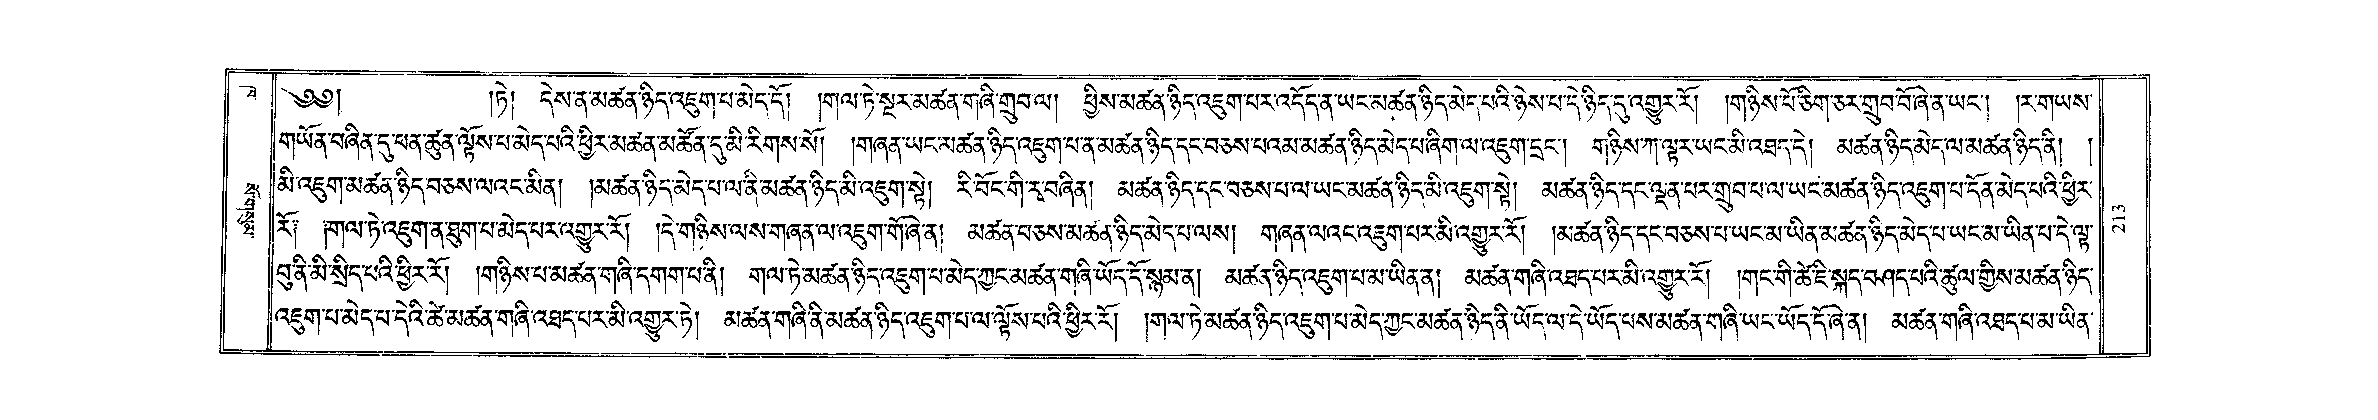༄༅། །ཏེ། དེས་ན་མཚན་ཉིད་འཇུག་པ་མེད་དོ། །གལ་ཏེ་སྔར་མཚན་གཞི་གྲུབ་ལ། ཕྱིས་མཚན་ཉིད་འཇུག་པར་འདོད་ན་ཡང་མཚན་ཉིད་མེད་པའི་ཉེས་པ་དེ་ཉིད་དུ་འགྱུར་རོ། །གཉིས་པོ་ཅིག་ཅར་གྲུབ་བོ་ཞེ་ན་ཡང་། །ར་གཡས་
གཡོན་བཞིན་དུ་ཕན་ཚུན་ལྟོས་པ་མེད་པའི་ཕྱིར་མཚན་མཚོན་དུ་མི་རིགས་སོ། །གཞན་ཡང་མཚན་ཉིད་འཇུག་པ་ན་མཚན་ཉིད་དང་བཅས་པའམ་མཚན་ཉིད་མེད་པ་ཞིག་ལ་འཇུག་དྲང་། གཉིས་ཀ་ལྟར་ཡང་མི་འཐད་དེ། མཚན་ཉིད་མེད་ལ་མཚན་ཉིད་ནི། །
མི་འཇུག་མཚན་ཉིད་བཅས་ལའང་མིན། །མཚན་ཉིད་མེད་པ་ལ་ནི་མཚན་ཉིད་མི་འཇུག་སྟེ། རི་བོང་གི་རྭ་བཞིན། མཚན་ཉིད་དང་བཅས་པ་ལ་ཡང་མཚན་ཉིད་མི་འཇུག་སྟེ། མཚན་ཉིད་དང་ལྡན་པར་གྲུབ་པ་ལ་ཡང་མཚན་ཉིད་འཇུག་པ་དོན་མེད་པའི་ཕྱིར་
རོ༑ ༑གལ་ཏེ་འཇུག་ན་ཐུག་པ་མེད་པར་འགྱུར་རོ། །དེ་གཉིས་ལས་གཞན་ལ་འཇུག་གོ་ཞེ་ན། མཚན་བཅས་མཚན་ཉིད་མེད་པ་ལས། གཞན་ལའང་འཇུག་པར་མི་འགྱུར་རོ། །མཚན་ཉིད་དང་བཅས་པ་ཡང་མ་ཡིན་མཚན་ཉིད་མེད་པ་ཡང་མ་ཡིན་པ་དེ་ལྟ་
བུ་ནི་མི་སྲིད་པའི་ཕྱིར་རོ། །གཉིས་པ་མཚན་གཞི་དགག་པ་ནི། གལ་ཏེ་མཚན་ཉིད་འཇུག་པ་མེད་ཀྱང་མཚན་གཞི་ཡོད་དོ་སྙམ་ན། མཚན་ཉིད་འཇུག་པ་མ་ཡིན་ན། མཚན་གཞི་འཐད་པར་མི་འགྱུར་རོ། །གང་གི་ཚེ་ཇི་སྐད་བཤད་པའི་ཚུལ་གྱིས་མཚན་ཉིད་
འཇུག་པ་མེད་པ་དེའི་ཚེ་མཚན་གཞི་འཐད་པར་མི་འགྱུར་ཏེ། མཚན་གཞི་ནི་མཚན་ཉིད་འཇུག་པ་ལ་ལྟོས་པའི་ཕྱིར་རོ། །གལ་ཏེ་མཚན་ཉིད་འཇུག་པ་མེད་ཀྱང་མཚན་ཉིད་ནི་ཡོད་ལ་དེ་ཡོད་པས་མཚན་གཞི་ཡང་ཡོད་དོ་ཞེ་ན། མཚན་གཞི་འཐད་པ་མ་ཡིན་